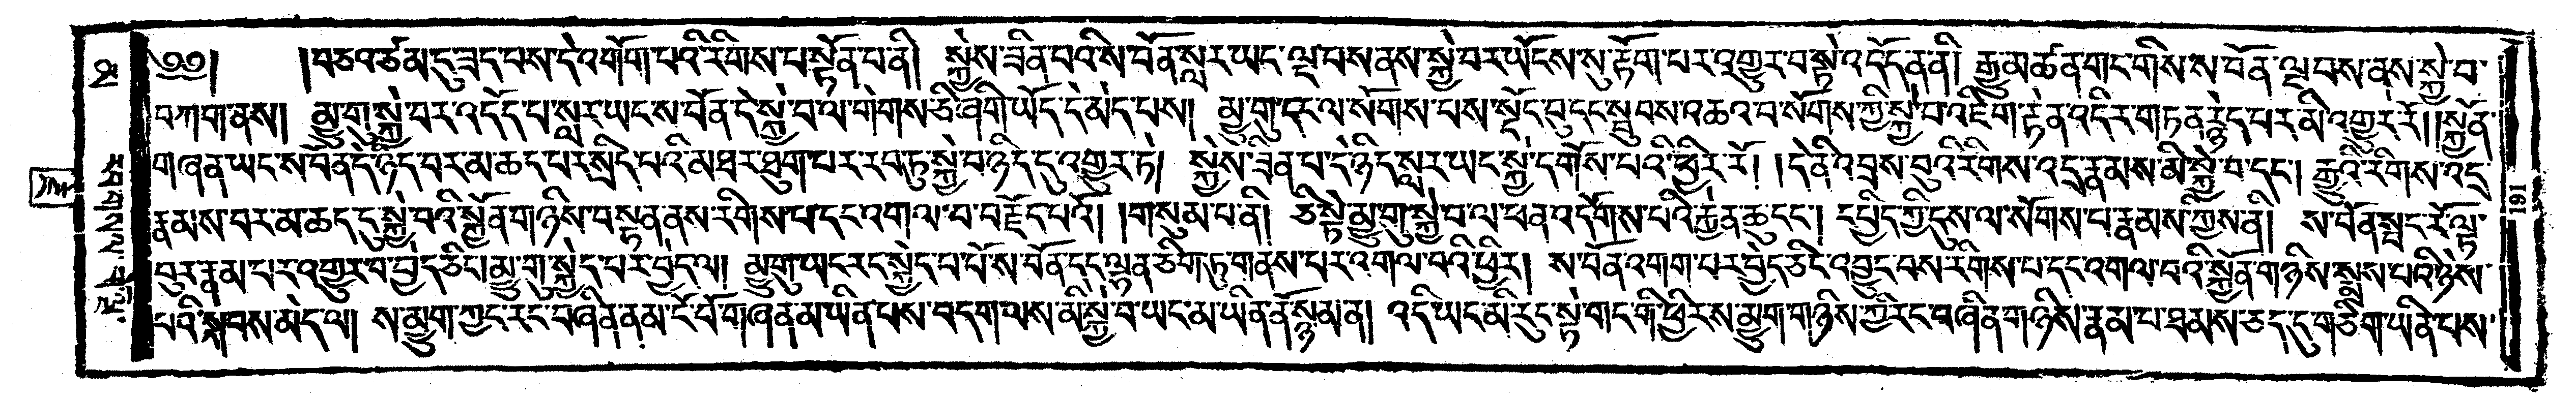༄༅། །བཅའ་ཙམ་དུ་ཟད་པས་དེ་འགོག་པའི་རིགས་པ་སྟོན་པ་ནི། སྐྱེས་ཟིན་པའི་ས་བོན་སླར་ཡང་ལྡབས་ནས་སྐྱེ་བར་ཡོངས་སུ་རྟོག་པར་འགྱུར་བ་སྟེ་འདོད་ན་ནི། རྒྱུ་མཚན་གང་གིས་ས་བོན་ལྡབས་ནས་སྐྱེ་བ་
བཀག་ནས། མྱུ་གུ་སྐྱེ་བར་འདོད་པ་སླར་ཡང་ས་བོན་དེ་སྐྱེ་བ་ལ་གེགས་ཅི་ཞིག་ཡོད་དེ་མེད་པས། མྱུ་གུ་དང་ལ་སོགས་པས་སྡོང་བུ་དང་སྦུབས་འཆའ་བ་སོགས་ཀྱི་སྐྱེ་བ་འཇིག་རྟེན་འདིར་གཏན་རྙེད་པར་མི་འགྱུར་རོ། །སྐྱོན་
གཞན་ཡང་ས་བོན་དེ་ཉིད་བར་མ་ཆད་པར་སྲིད་པའི་མཐར་ཐུག་པར་རབ་ཏུ་སྐྱེ་བ་ཉིད་དུ་འགྱུར་ཏེ། སྐྱེས་ཟིན་པ་དེ་ཉིད་སླར་ཡང་སྐྱེ་དགོས་པའི་ཕྱིར་རོ། །དེ་ནི་འབྲས་བུའི་རིགས་འདྲ་རྣམས་མི་སྐྱེ་བ་དང་། རྒྱུའི་རིགས་འདྲ་
རྣམས་བར་མ་ཆད་དུ་སྐྱེ་བའི་སྐྱོན་གཉིས་བསྟན་ནས་རིགས་པ་དང་འགལ་བ་བརྗོད་པའོ། །གསུམ་པ་ནི། ཅི་སྟེ་མྱུ་གུ་སྐྱེ་བ་ལེ་ཕན་འདོགས་པའི་རྐྱེན་ཆུ་དང་། དཔྱིད་ཀྱི་དུས་ལ་སོགས་པ་རྣམས་ཀྱིས་ནི། ས་བོན་སྦང་རོ་ལྟ་
བུར་རྣམ་པར་འགྱུར་བ་བྱེད་ཅིང་། མྱུ་གུ་སྐྱེད་པར་བྱེད་ལ། མྱུ་གུ་ཡང་རང་སྐྱེད་པ་པོ་ས་བོན་དང་ལྷན་ཅིག་ཏུ་གནས་པར་འགལ་བའི་ཕྱིར། ས་བོན་འགག་པར་བྱེད་ཅིང་འབྱུང་བས་རིགས་པ་དང་འགལ་བའི་སྐྱོན་གཉིས་སྨྲས་པའི་ཉེས་
པའི་སྐབས་མེད་ལ། ས་མྱུག་ཀྱང་རང་བཞིན་ནམ་ངོ་བོ་གཞན་མ་ཡིན་པས་བདག་ལས་མི་སྐྱེ་པ་ཡང་མ་ཡིན་ནོ་སྙམ་ན། འདི་ཡང་མི་རུང་སྟེ་གང་གི་ཕྱིར་ས་མྱུག་གཉིས་ཀྱི་རང་བཞིན་གཉིས་རྣམ་པ་ཐམས་ཅད་དུ་གཅིག་ཡིན་པས་